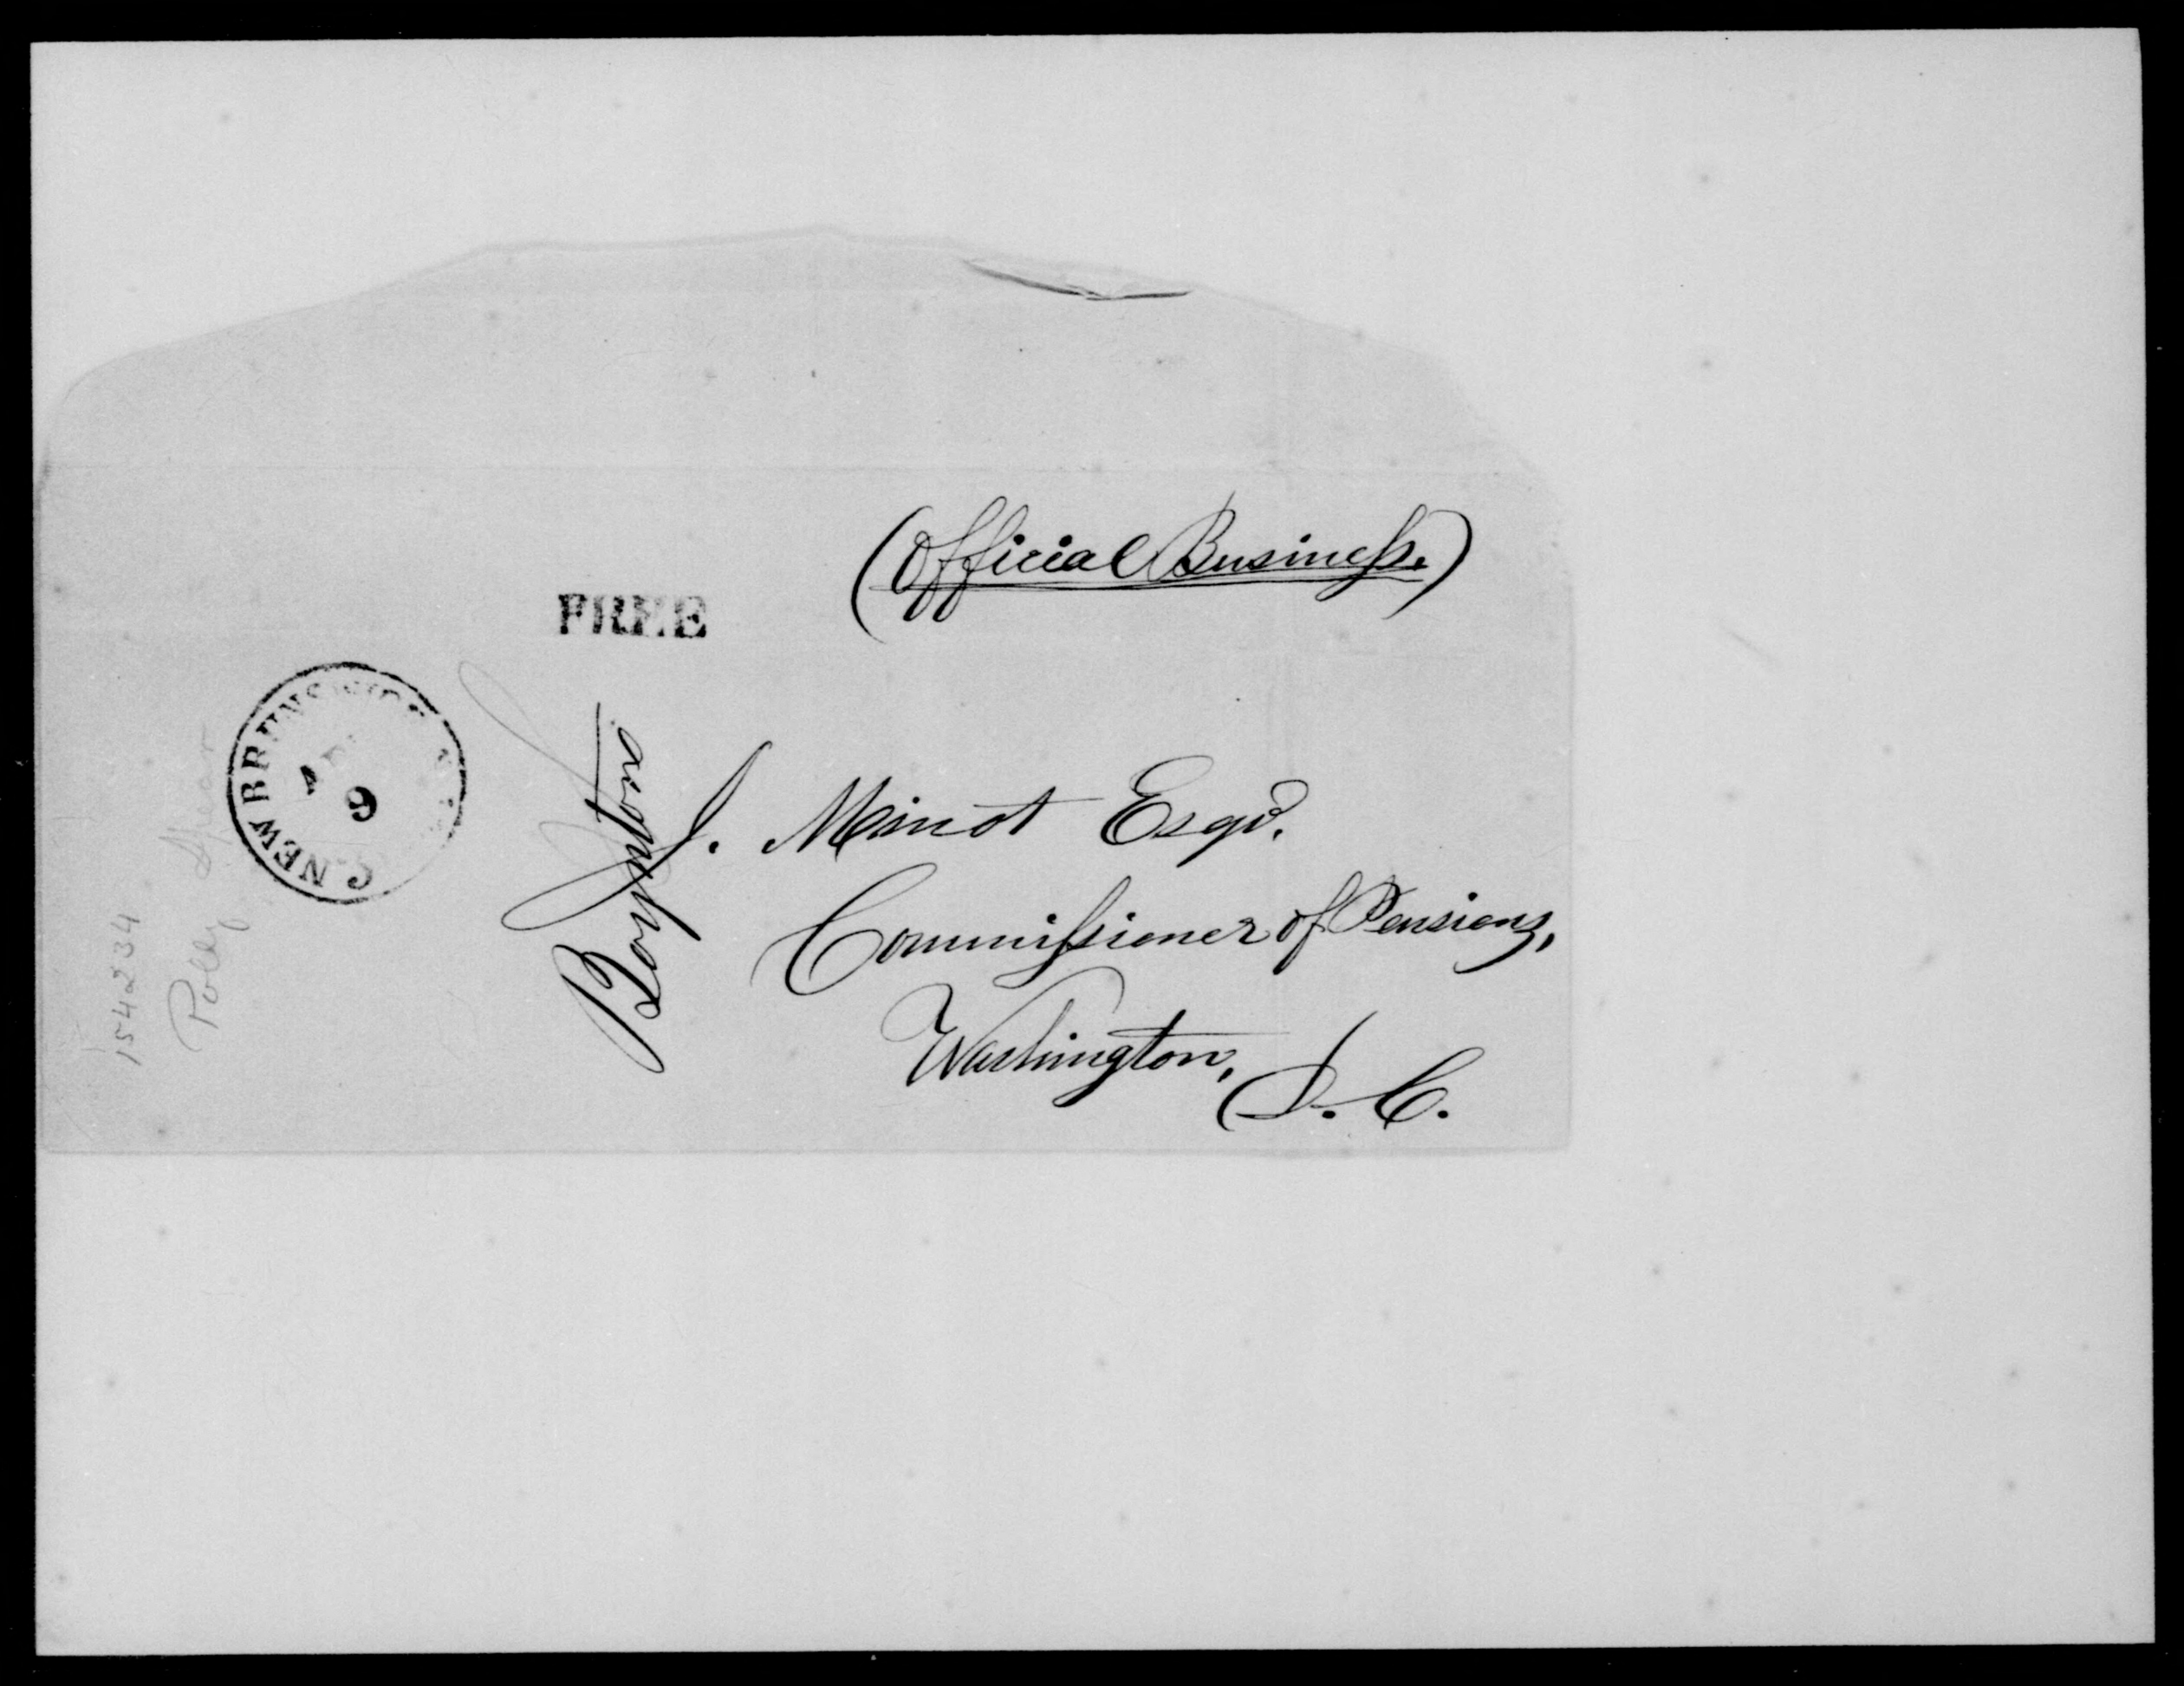Polly Spear
New Brunswick
APR 9
[ ]
FREE
Boynton
(Official Business)
J. Minot Esqr.
Commissioner of Pensions
Washington, D.C.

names: Polly Spear; J Minot; [BLANK] Boynton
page: 25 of 65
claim: widow's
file: W. 7197, for Jonathan Spear, Vermont